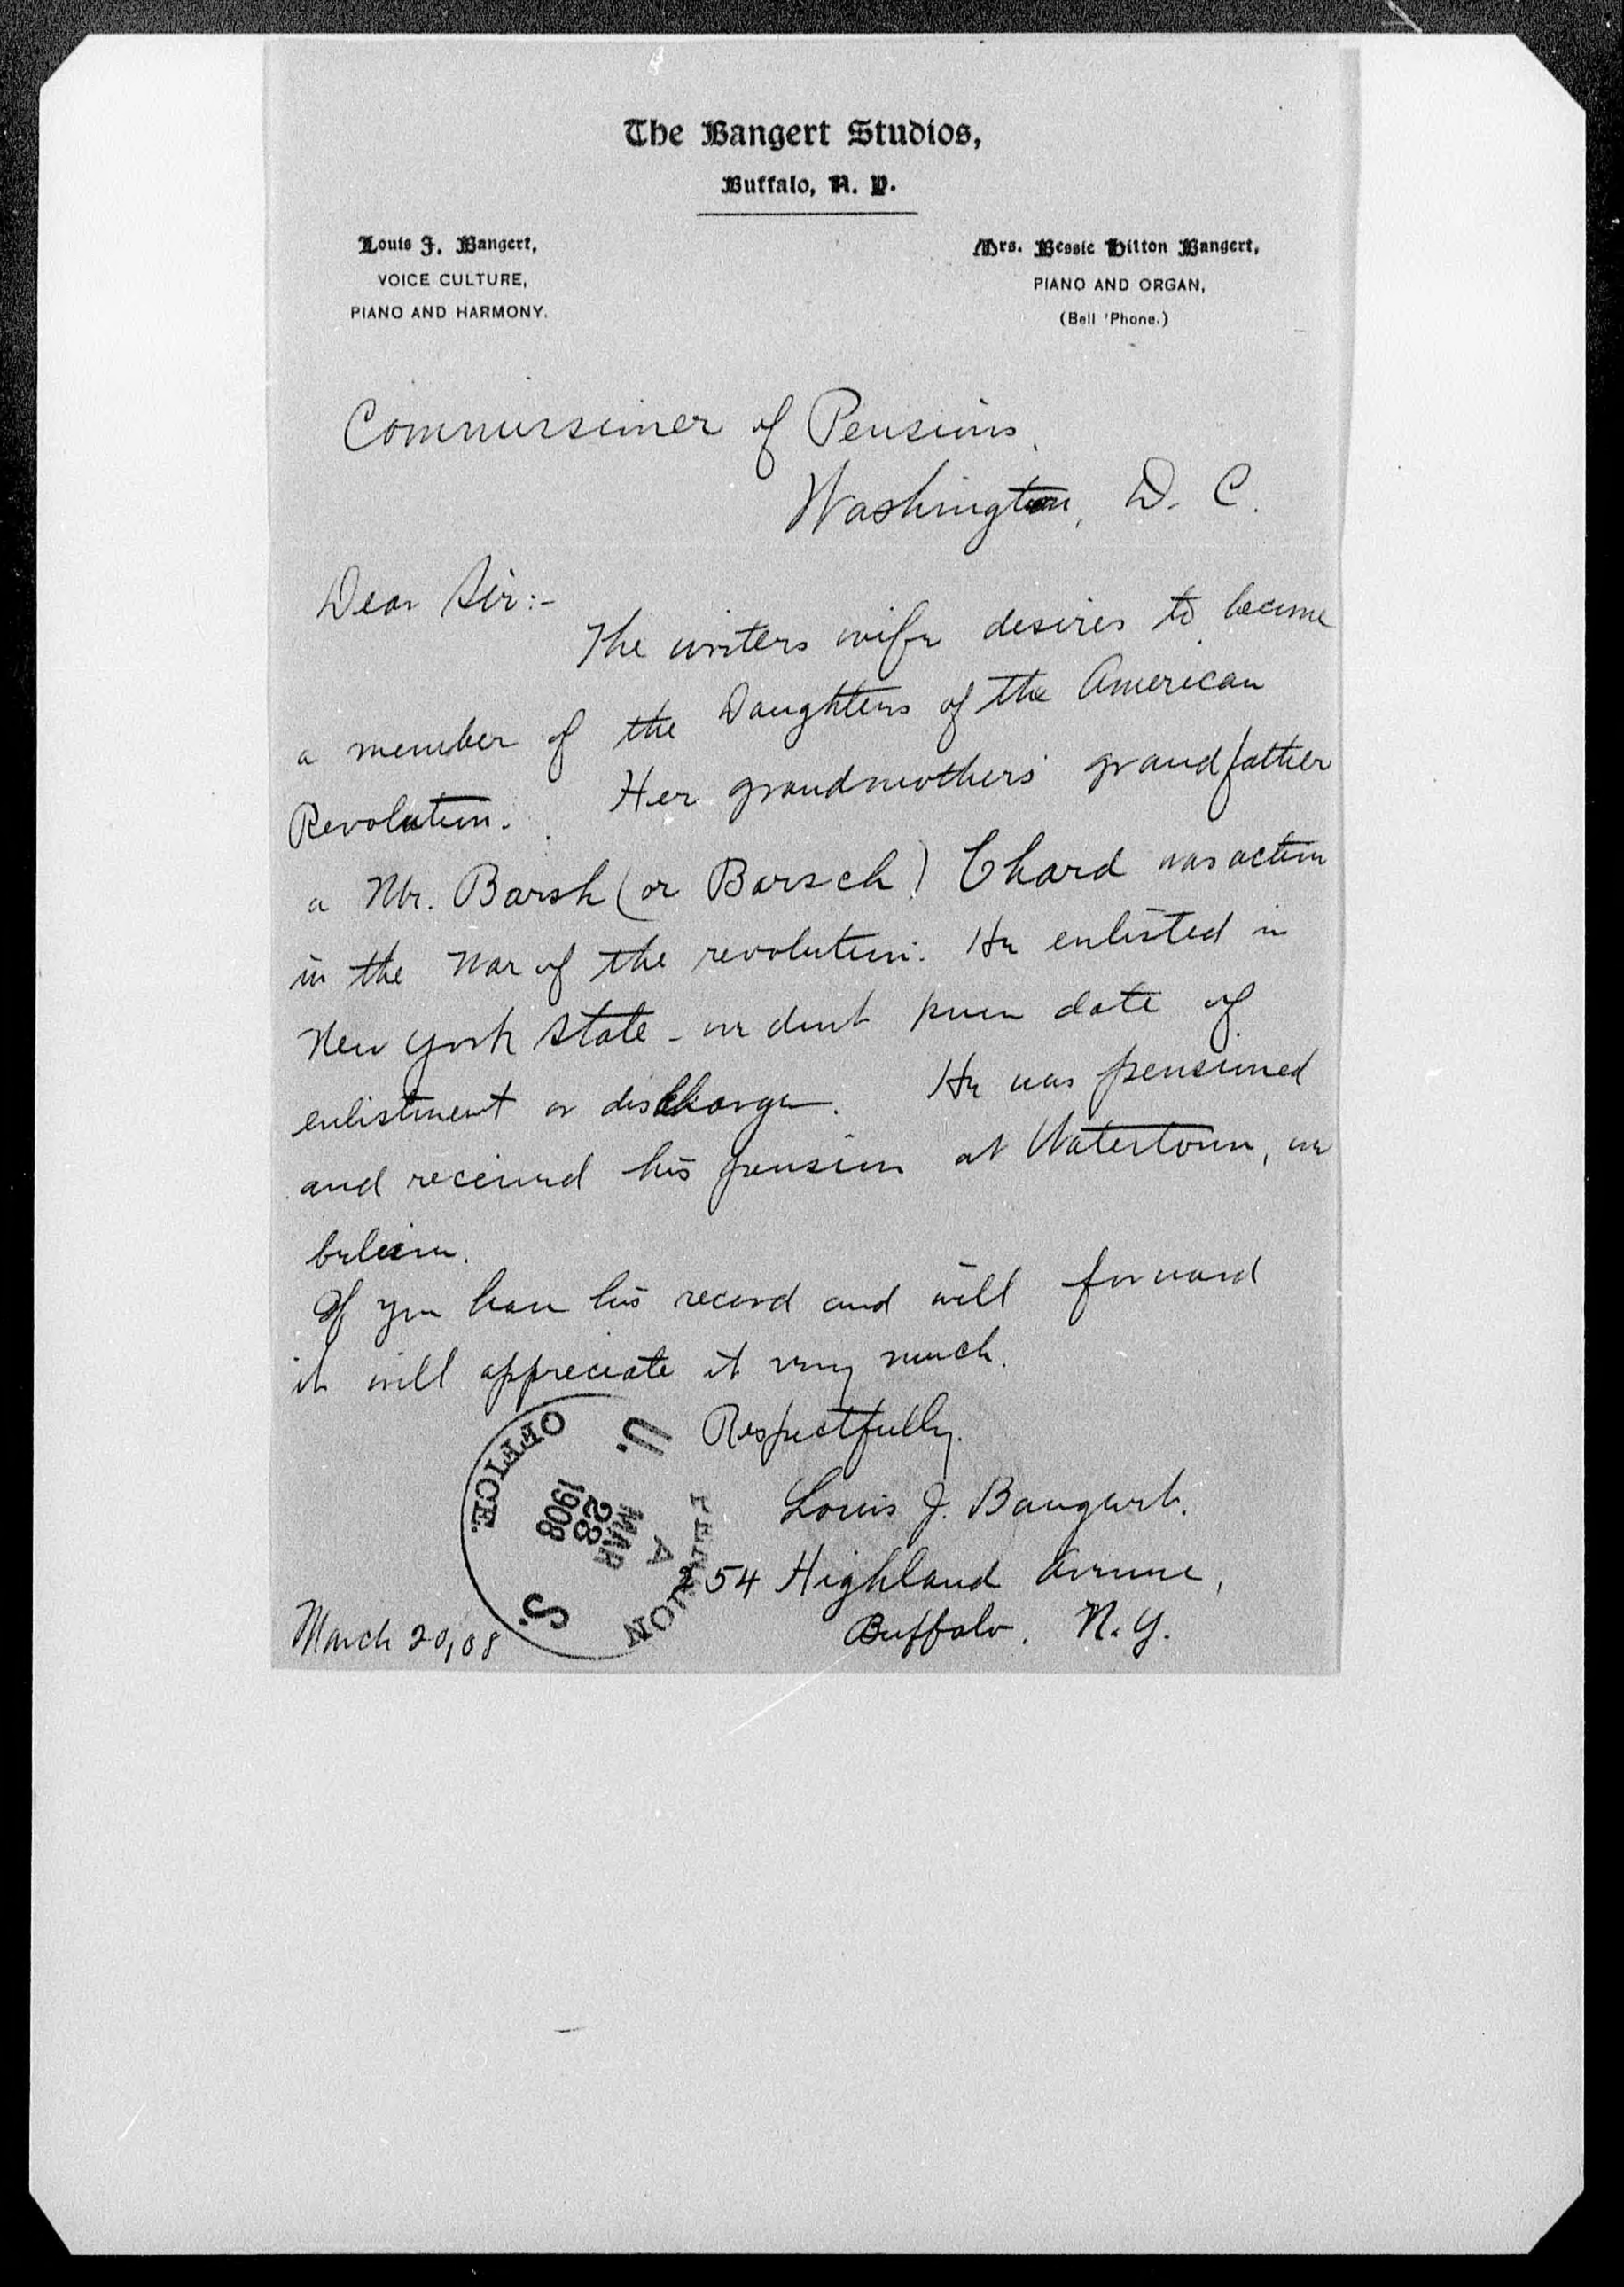The Bangert Studios,
Buffalo, N.Y.
Louis G. Bangert, 
VOICE CULTURE 
PIANO AND HARMONY. 
Mrs. Bessie Hilton Bangert, 
PIANO AND ORGAN,
(Bell 'Phone.) 

Commissioner of Pensions 
Washington D. C.

Dear Sir :-
The writers wife desires to become a member of the daughters of the American Revolution. Her grandmother's grandfather a Mr. Barsh (or Barsch) Chard was active in the War of the revolution. He enlisted in New York State - [evident from?] date of enlistment or discharge. He was pensioned and received his pension at Watertown, we believe. 
If you have his record and will forward it will appreciate it very much. 
Respectfully,
Louis J. Bangert
54 Highland Avenue
Buffalo, N.Y.
March 20, 08

[Postmark] U.S. Pension Office MAR 23 1908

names: Bessie Dilton Bangert, Louis J Bangert, Louis F Bangert, Barsch Chard, Barsh Chard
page: 43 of 47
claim: widow's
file: W. 10,602, Barce Chard, New York.